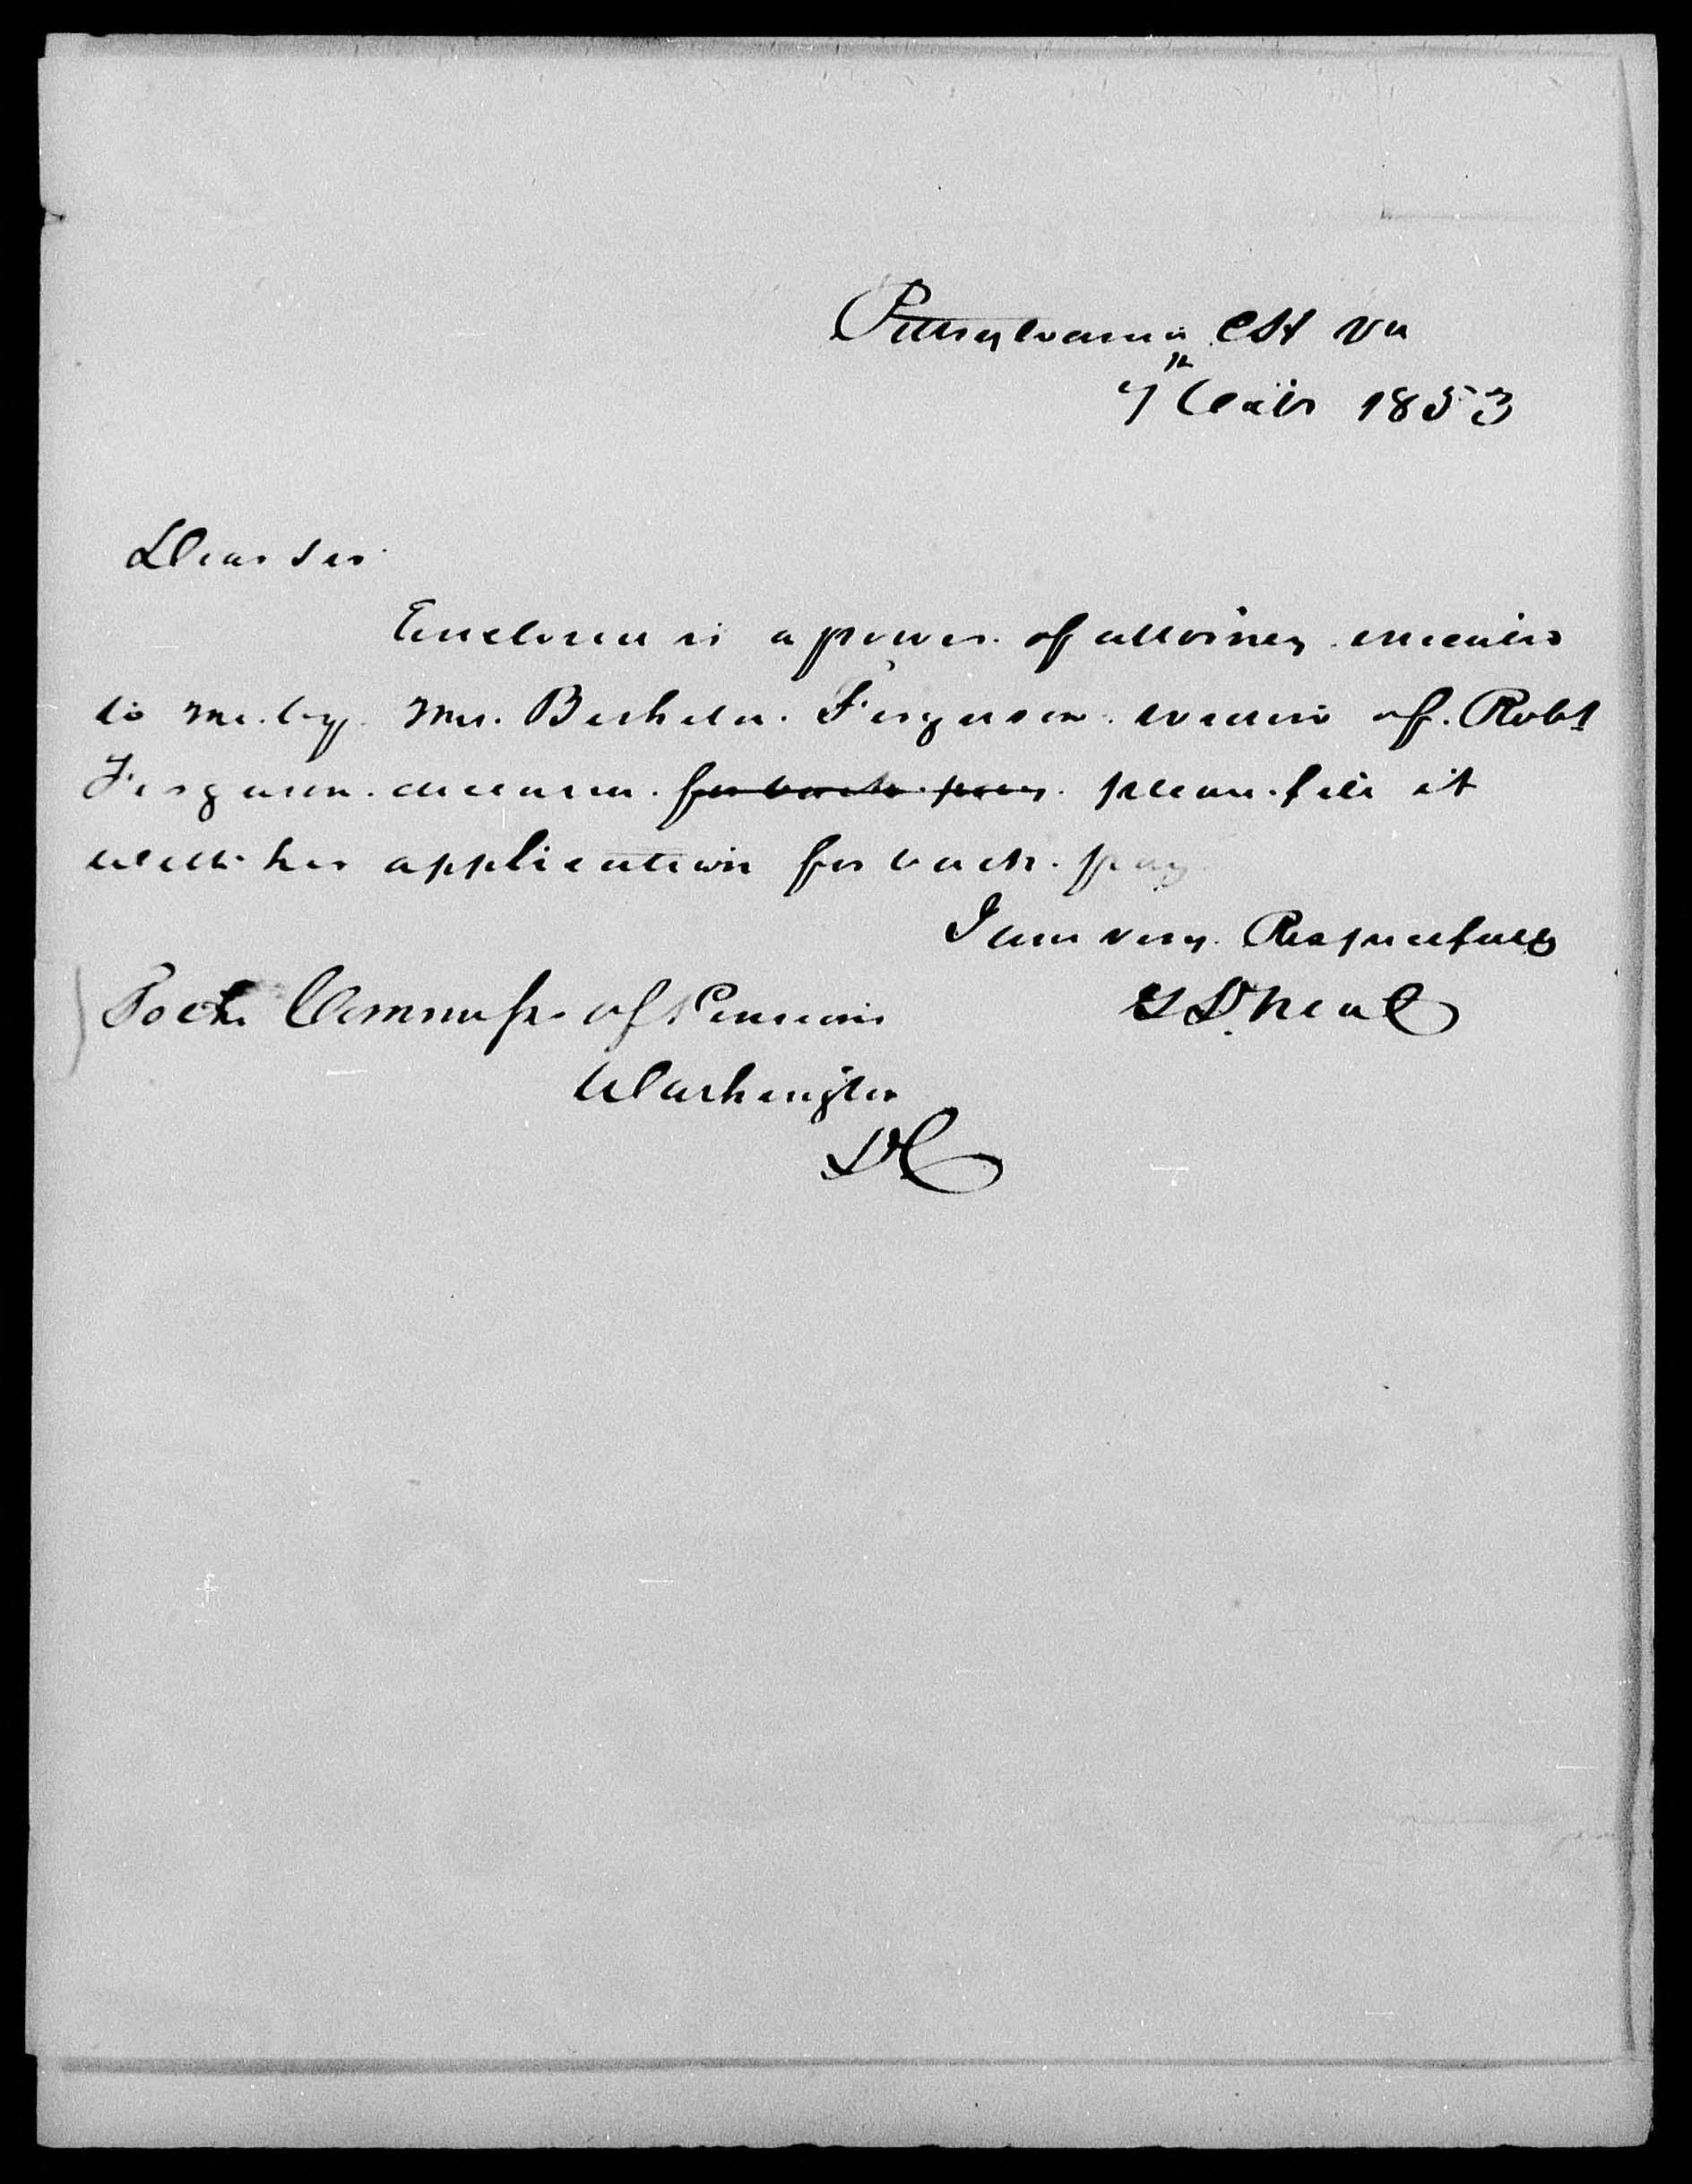Pittsylvania CH Va
7th [July?][illegible] 1853
Enclosed is a power of attorney executed
to me by Mrs. Beseba Ferguson widow of Robt [Robert]
Ferguson deceased. [crossed out]. Please file it
with her application for back pay
I am very Respectfully G. D. Neal
To the Commisions of Pensions
Washington DC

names: G D Neal, Robt Ferguson, Besheba Ferguson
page: 61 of 81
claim: widow's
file: W. 7262, Robert Ferguson, Va.